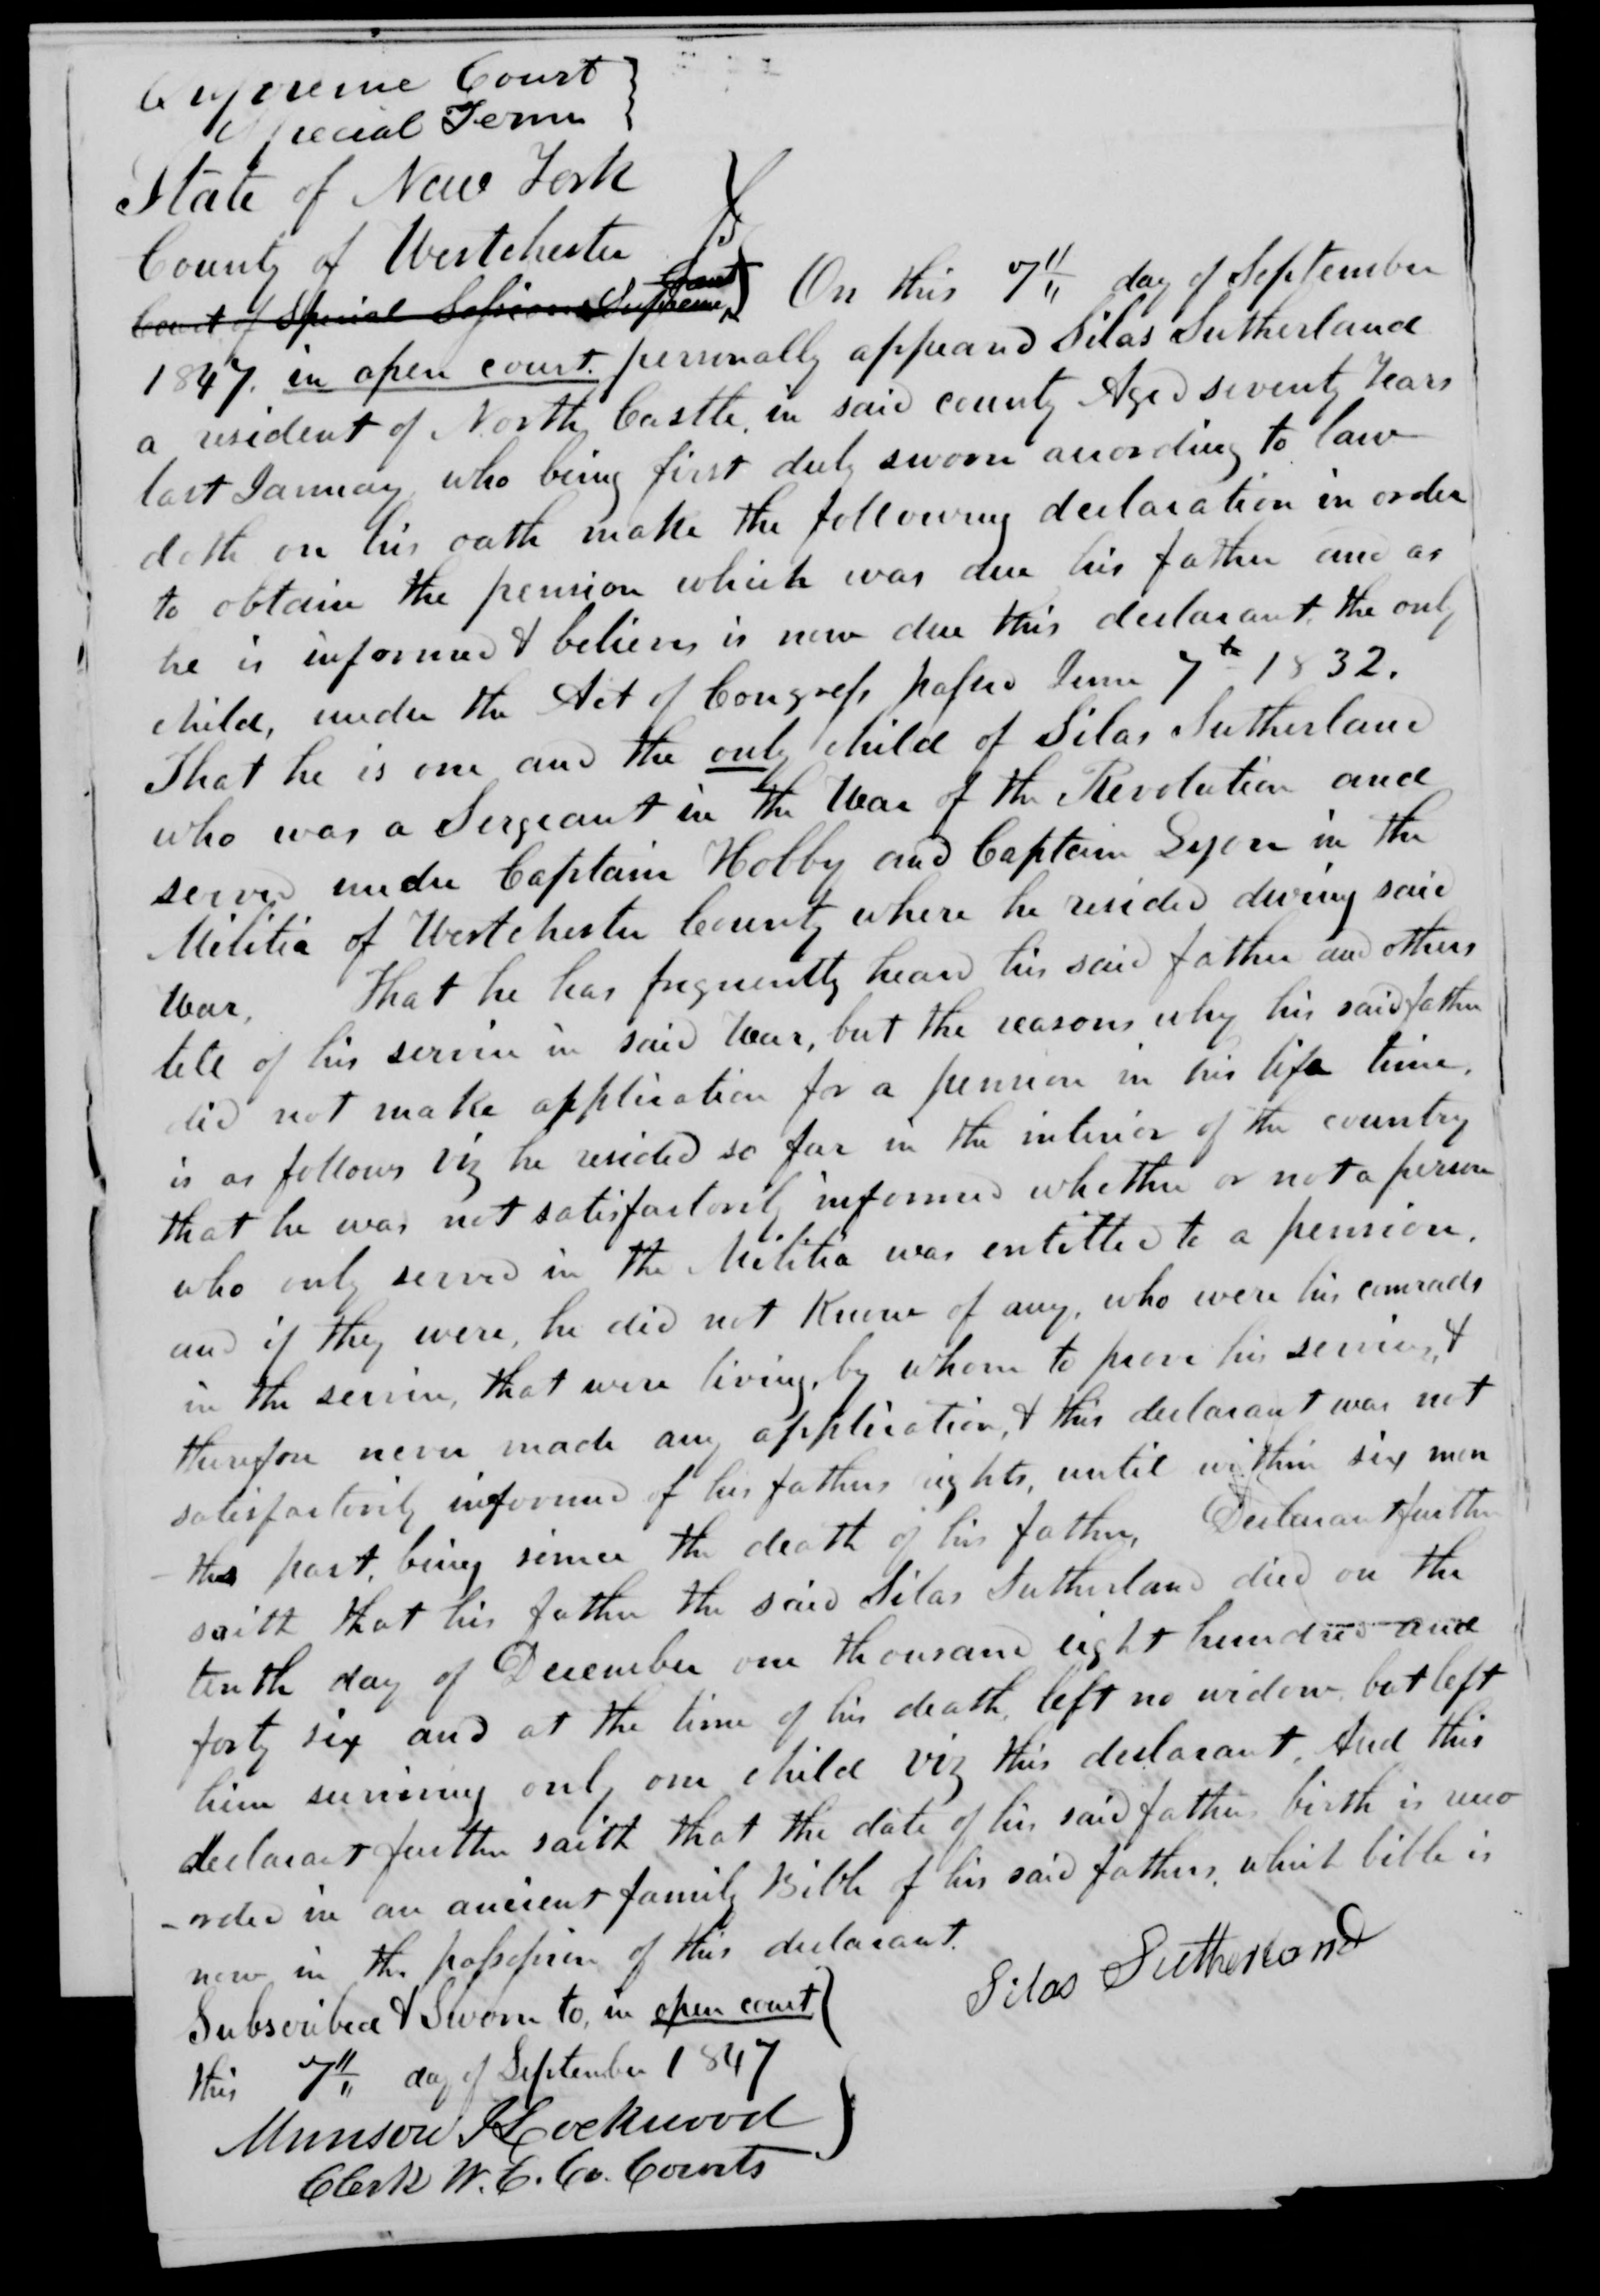Supreme Court
Special Term }

State of New York
County of Westchester } ss:

Court of Special Sessions Supreme Court [whole line crossed out] 

On this 7th day of September 1847 in open court personally appeared Silas Southerland a resident of North Castle in said county Aged seventy years last January who being first duly sworn according to law doth on his oath make the following declaration in order to obtain the pension which was due his father and as
he is informed and believes is now due this declarant, the only child, under the Act of Congress, passed June 7th, 1832.

That he is one and the only child of Silas Sutherland who was a Sergeant in the War of the Revolution and served under Captain Hobby and Captain Lyon in the Militia of Westchester County where he resided during said War.  That he has frequently heard his said father and others tell of his service in said war, but the reasons why his said father did not make application for a pension in his life time, is as follows viz he resided so far in the interior of the country that he was not satisfactorily informed whether or not a person who only served in the Militia was entitled to a pension, and if they were, he did not know of any who were his comrades in the service, that were living, by whom to prove his service, and therefore never made any application and this declarant was not
satisfactorily informed of his fathers rights, until within six months this past, being since the death of his father.  Declarant further
saith that his father the said Silas Sutherland died on the tenth day of December one thousand eight hundred and forty six and at the time of his death left no widow, but left
him surviving only one child viz this declarant. 
 And this declarant further saith that the date of his said father's birth is recorded in an ancient family Bible of his said father, which bible is now in the possession of this declarant.

Silas Sutherland

Subscribed and Sworn to, in open court this 7th day of September 1847

Munson I Lockwood
Clerk W.C. Co. Courts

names: Silas Sutherland; [BLANK] Hobby; Silas Sutherland; Silas Sutherland; Silas Sutherland; Munson I Lockwood; [BLANK] Lyon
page: 4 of 77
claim: survivor's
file: S. 23003, for Silas Southerland, New York